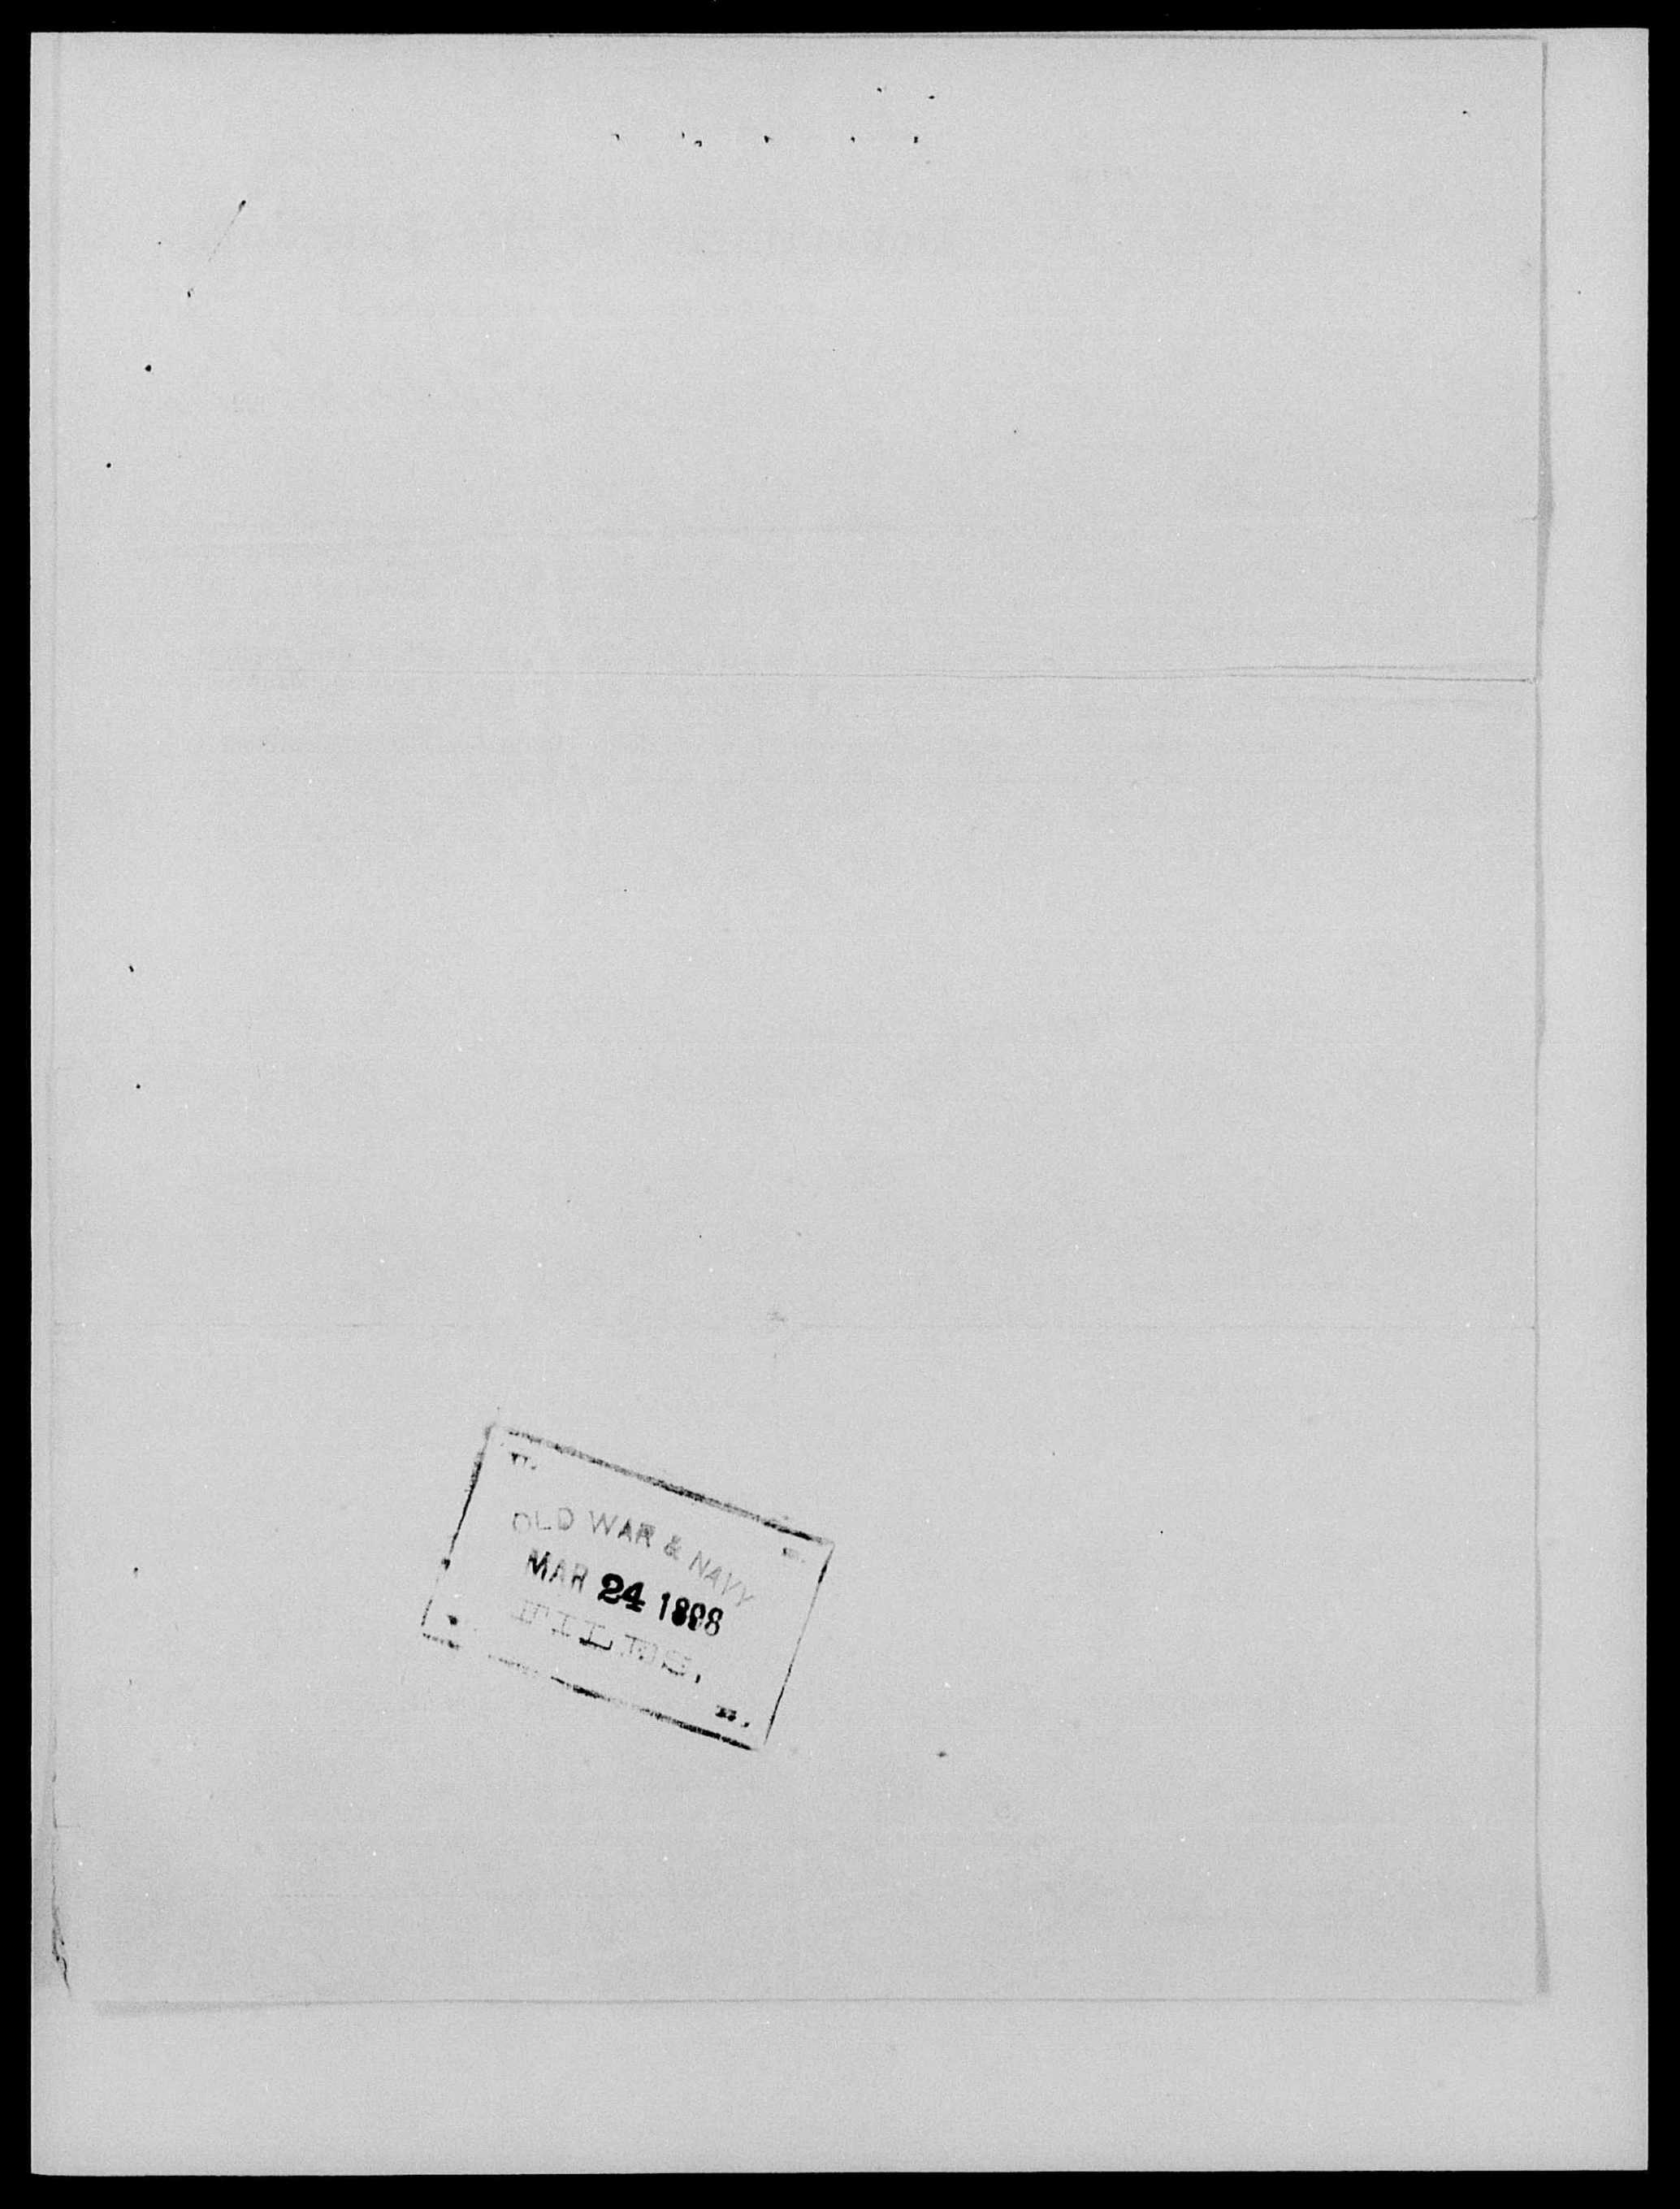Seal:
OLD WAR & NAVY FILES
Mar 24 1898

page: 21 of 40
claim: widow's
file: W. 16058, for George Potter, Rhode Island